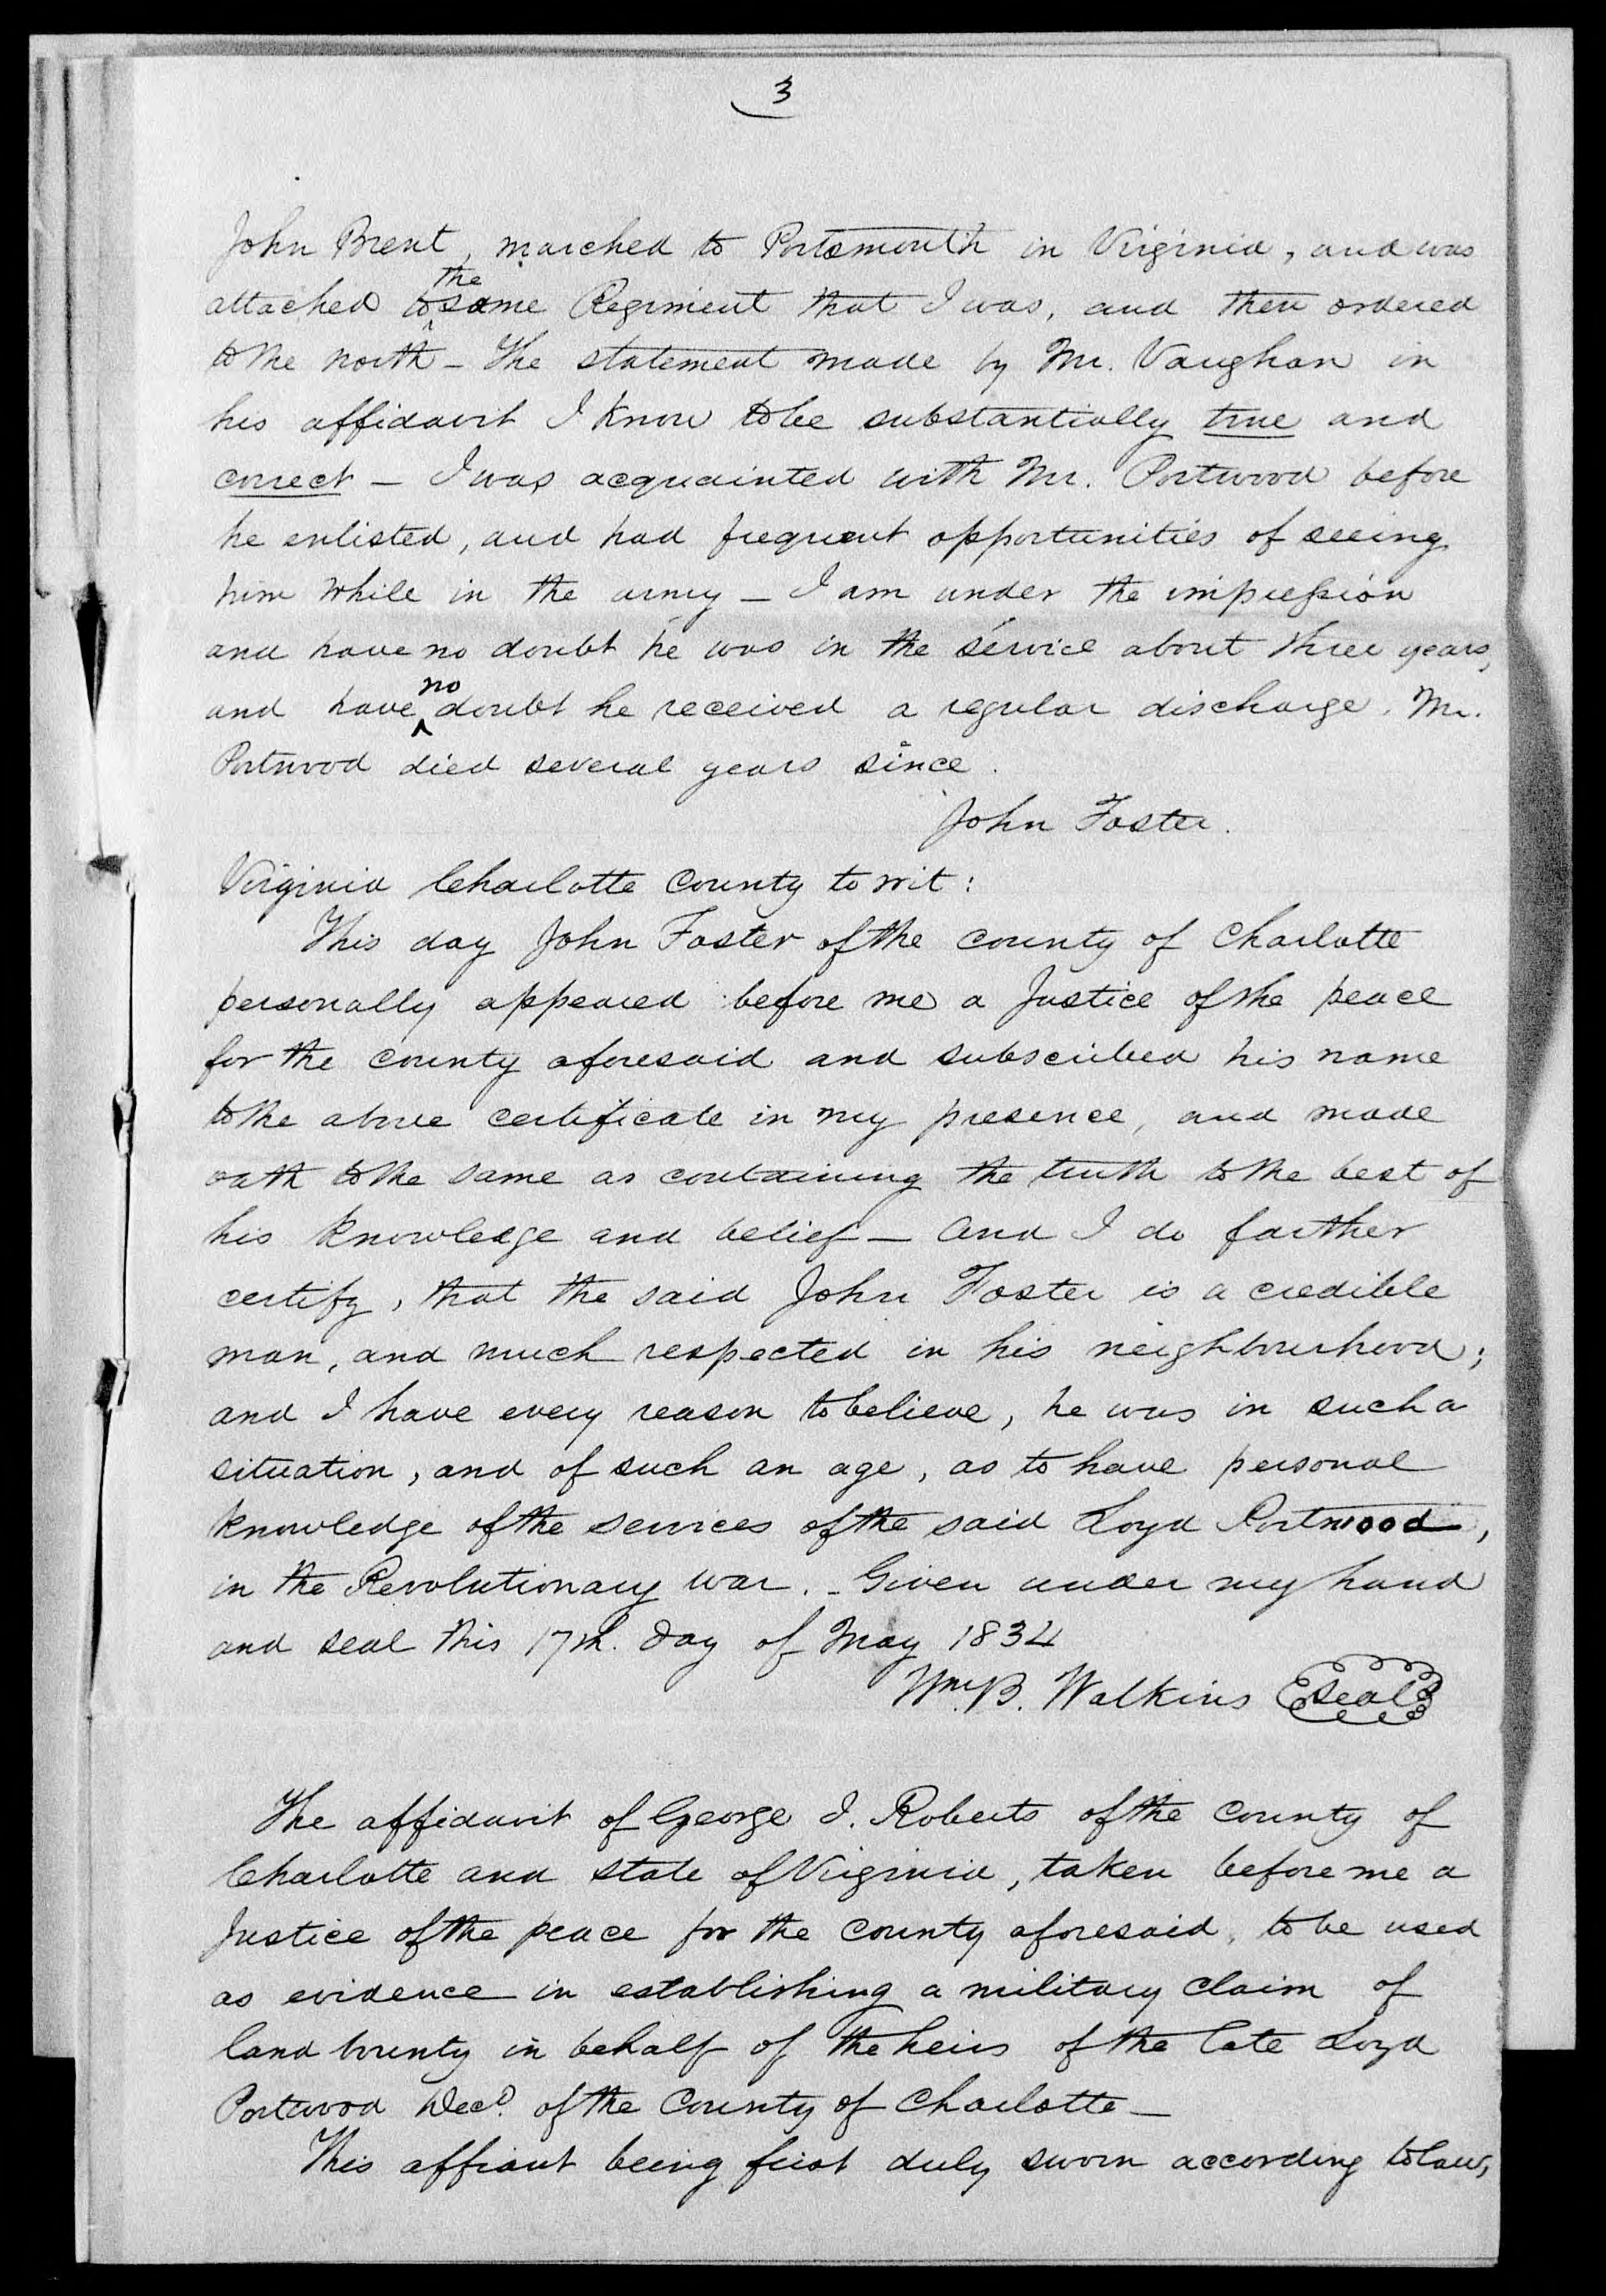3
John Brent, marched to Portsmouth in Virginia, and was
attached to the same Regiment that I was, and then ordered
to the north _ The statement made by Mr. Vaughan in
his affidavit I know to be substantially true and
correct _ I was acquainted with Mr. Portwood before
he enlisted, and had frequent opportunities of seeing
him while in the army _ I am under the impression
and have no doubt he was in the service about three years,
and have no doubt he received a regular discharge. Mr.
Portwood died several years since.
| John Foster
Virginia Charlotte County to wit:
This day John Foster of the county of Charlotte
personally appeared before me a Justice of the peace
for the county aforesaid and subscribed his name
to the above certificate in my presence, and made
oath to the same as containing the truth to the best of
his knowledge and belief_ And I do farther
certify, that the said John Foster is a credible
man, and much respected in his neighborhood;
and I have every reason to believe, he was in such a
situation, and of such an age, as to have personal
knowledge of the services of the said Loyd Portwood,
in the Revolutionary war. _ Given under my hand
and seal this 17th day of May 1834
| Wm B. Walkins seal
The affidavit of George J. Roberts of the county of
Charlotte and state of Virginia, taken before me a
Justice of the peace for the county aforesaid, to be used
as evidence in establishing a military claim of
land bounty in behalf of the heirs of the late Loyd
Portwood Decd. of the County of Charlotte _
This affiant being first duly sworn according to law,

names: [BLANK] Portwood; John Brent; John Foster; Wm B Walkins; [BLANK] Vaughan; Loyd Portwood; George J Roberts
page: 44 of 50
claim: widow's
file: W. 1929, for Lloyd Portwood, Virginia